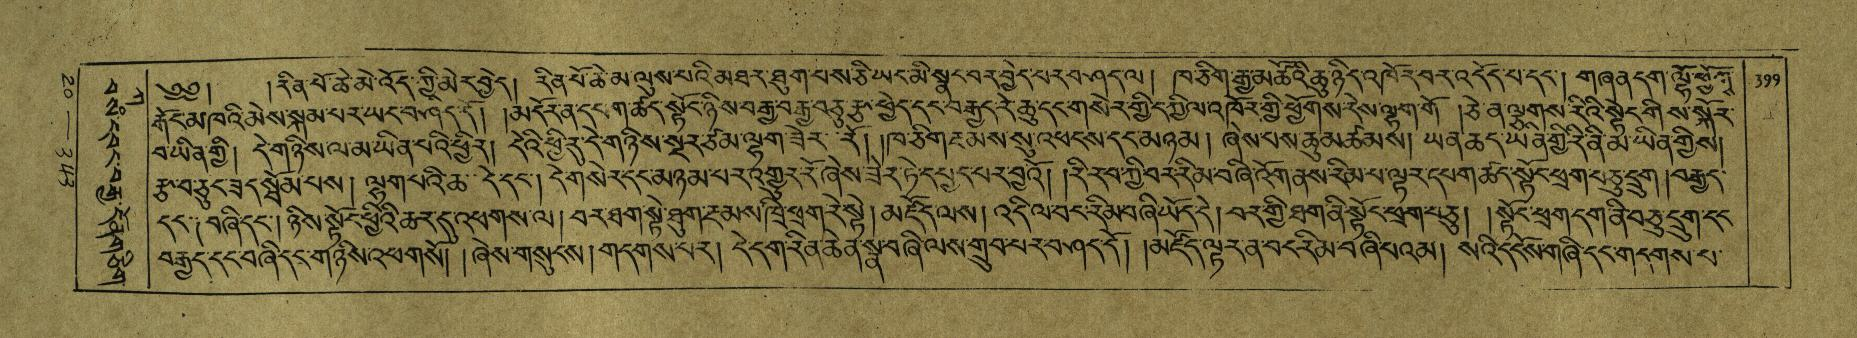༄༅། །རིན་པོ་ཆེ་མེ་འོད་ཀྱིས་མེར་བྱེད། རིན་པོ་ཆེ་མ་ལུས་པའི་མཐར་ཐུག་པས་ཅི་ཡང་མི་སྣང་བར་བྱེད་པར་བཤད་ལ། ཁ་ཅིག་རྒྱ་མཚོའི་ཆུ་ཉིད་འཁོར་བར་འདོད་པ་དང་། གཞན་དག་ལྷོ་ཕྱོགས་
རྒོང་མ་ཁའི་མེས་སྐམ་པར་ཡང་བཤད་དོ། །མདོར་ན་དཔག་ཚད་སྟོང་ཉིས་བརྒྱ་བརྒྱ་བཅུ་རྩ་ཕྱེད་དང་བརྒྱད་རེ་ཆུ་དང་གསེར་གྱི་དཀྱིལ་འཁོར་གྱི་ཕྱོགས་རེས་ལྷག་གོ། །ཅེ་ན་ལྕགས་རིའི་སྟེང་གིས་སྐོར་
བ་ཡིན་གྱི། དེ་གཉིས་ལ་མ་ཡིན་པའི་ཕྱིར། དེའི་ཕྱི་རུ་དེ་གཉིས་སྔར་ཙམ་ལྷག་ཟེར་རོ། །ཁ་ཅིག་རྔམས་སུ་འཕངས་དང་མཉམ། ཞེས་པས་ཆུ་མཚམས། ཡན་ཆད་ཡིན་གྱི་རི་ནི་མ་ཡིན་གྱིས།
རྩ་བ་ཅུང་ཟད་སྦོམ་པས། ལྷག་པའི་ཆ་དེ་དང་། དེ་གསེར་དང་མཉམ་པར་འགྱུར་རོ་ཞེས་ཟེར་ཏེ་དཔྱད་པར་བྱའོ། །རི་རབ་ཀྱི་བར་རིམ་བཞི་འོག་ནས་རིམ་པ་ལྟར་དཔག་ཚད་སྟོང་ཕྲག་བཅུ་དྲུག །བརྒྱད་
དང༑ བཞི་དང་། ཉིས་སྟོང་ཕྱིའི་ཆར་དུ་འཕགས་ལ། བར་ཐག་སྟེ་ཐུག་རྔམས་ཁྲི་ཕྲག་རེ་སྟེ། མཛོད་ལས། འདི་ལ་བང་རིམ་བཞི་ཡོད་དེ། བར་གྱི་ཐག་ནི་སྟོང་ཕྲག་བཅུ། །སྟོང་ཕྲག་དག་ནི་བཅུ་དྲུག་དང་
བརྒྱད་དང་བཞི་དང་གཉིས་འཕགསོ། །ཞེས་གསུངས། གདགས་པར། དེ་དག་རིན་ཆེན་སྣ་བཞི་ལས་གྲུབ་པར་བཤད་དོ། །མཛོད་ལྟར་ན་བང་རིམ་བཞི་པའམ། སའི་དངོས་གཞི་དང་གདགས་པ་